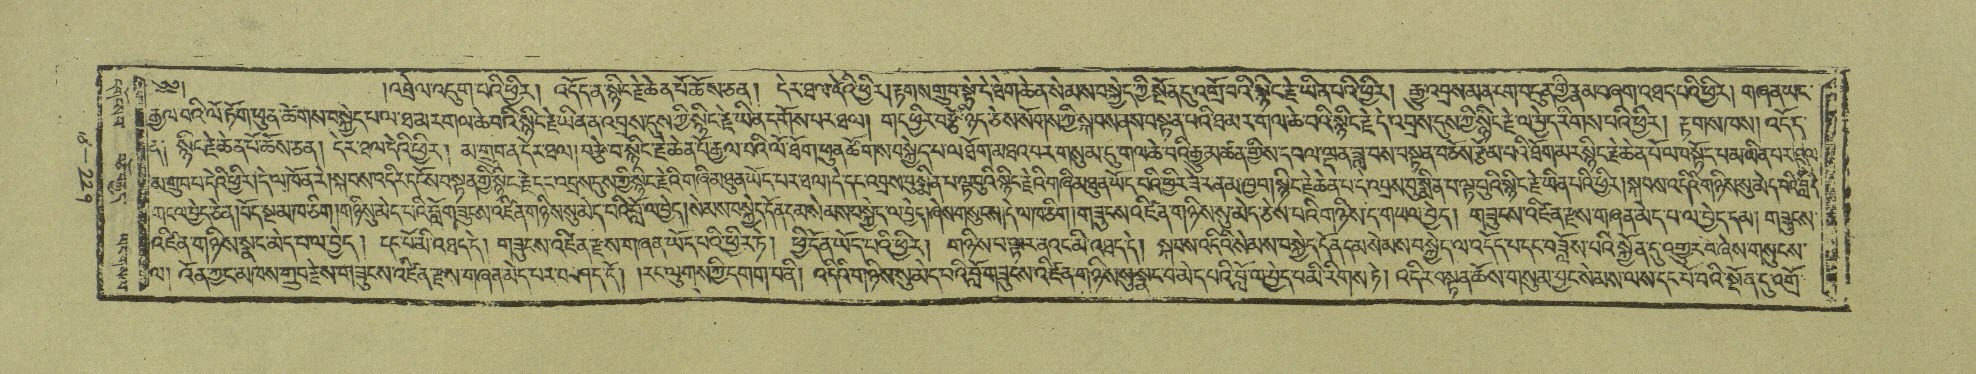༄༅། །འབྲེལ་འདུག་པའི་ཕྱིར། འདོད་ན་སྙིང་རྗེ་ཆེན་པོ་ཆོས་ཅན། དེར་ཐལ་དེའི་ཕྱིར། རྟགས་གྲུབ་སྟེ་དེ་ཐེག་ཆེན་སེམས་བསྐྱེད་ཀྱི་སྔོན་དུ་འགྲོ་བའི་སྙིང་རྗེ་ཡིན་པའི་ཕྱིར། རྒྱུ་འབྲས་མན་ངག་བདུན་གྱི་རྣམ་བཞག་འཐད་པའི་ཕྱིར། གཞན་ཡང་
རྒྱལ་བའི་ལོ་ཏོག་ཕུན་ཚོགས་བསྐྱེད་པ་ལ་ཐ་མར་གལ་ཆེ་བའི་སྙིང་རྗེ་ཡིན་ན་འབྲས་དུས་ཀྱི་སྙིང་རྗེ་ཡིན་དགོས་པར་ཐལ། གང་ཕྱིར་བརྩེ་ཉིད་ཅེས་སོགས་ཀྱི་སྐབས་ནས་བསྟན་པའི་ཐ་མར་གལ་ཆེ་བའི་སྙིང་རྗེ་དེ་འབྲས་དུས་ཀྱི་སྙིང་རྗེ་ལ་བྱེད་རིགས་པའི་ཕྱིར། རྟགས་ཁས། འདོད་
ན། སྙིང་རྗེ་ཆེན་པོ་ཆོས་ཅན། དེར་ཐལ་དེའི་ཕྱིར། མ་གྲུབ་ན་དེར་ཐལ། བརྩེ་བ་སྙིང་རྗེ་ཆེན་པོ་རྒྱལ་བའི་ལོ་ཐོག་ཕུན་ཚོགས་བསྐྱེད་པ་ལ་ཐོག་མཐའ་བར་གསུམ་དུ་གལ་ཆེ་བའི་རྒྱུ་མཚན་གྱིས་དཔལ་ལྡན་ཟླ་བས་བསྟན་བཅོས་རྩོམ་པའི་ཐོག་མར་སྙིང་རྗེ་ཆེན་པོ་ལ་བསྟོད་པ་མ་ཡིན་པར་ཐལ་
མ་གྲུབ་པ་དེའི་ཕྱིར། དེ་ལ་ཁོ་ན་རེ། སྐབས་འདིར་དངོས་བསྟན་གྱི་སྙིང་རྗེ་དང་འབྲས་དུས་ཀྱི་སྙིང་རྗེའི་གཞི་མཐུན་ཡོད་པར་ཐལ། དེ་དང་འབྲས་བུ་སྨིན་པ་ལྟ་བུའི་སྙིང་རྗེའི་གཞི་མཐུན་ཡོད་པའི་ཕྱིར་ཟེར་ན་མ་ཁྱབ། སྙིང་རྗེ་ཆེན་པོ་དེ་འབྲས་བུ་སྨིན་པ་ལྟ་བུའི་སྙིང་རྗེ་ཡིན་པའི་ཕྱིར། སྐབས་འདིའི་གཉིས་སུ་མེད་པའི་བློ་དེ་
གང་ལ་བྱེད་ཅེ་ན། བོད་སྔ་མ་ཁ་ཅིག །གཉིས་སུ་མེད་པའི་བློ་གཟུངས་འཛིན་གཉིས་སུ་མེད་པའི་བློ་ལ་བྱེད། སེམས་བསྐྱེད་དོན་དམ་སེམས་བསྐྱེད་ལ་བྱེད། ཞེས་གསུངས། དེ་ལ་ཁ་ཅིག །གཟུངས་འཛིན་གཉིས་སུ་མེད་ཅེས་པའི་གཉིས་དེ་གང་ལ་བྱེད། གཟུངས་འཛིན་རྫས་གཞན་མེད་པ་ལ་བྱེད་དམ། གཟུངས་
འཛིན་གཉིས་སྣང་མེད་པ་ལ་བྱེད། དང་པོ་མི་འཐད་དེ། གཟུངས་འཛིན་རྫས་གཞན་ཡོད་པའི་ཕྱིར་ཏེ། ཕྱི་དོན་ཡོད་པའི་ཕྱིར། གཉིས་པ་ལྟར་ནའང་མི་འཐད་དེ། སྐབས་འདིའི་སེམས་བསྐྱེད་དོན་དམ་སེམས་བསྐྱེད་ལ་འདོད་པ་དང་བཟློས་པའི་སྐྱོན་དུ་འགྱུར་རོ་ཞེས་གསུངས་
ལ། འོན་ཀྱང་མཁས་གྲུབ་རྗེས་གཟུངས་འཛིན་རྫས་གཞན་མེད་པར་བཤད་དོ། །རང་ལུགས་ཀྱི་དགག་པ་ནི། འདིའི་གཉིས་སུ་མེད་པའི་བློ་གཟུངས་འཛིན་གཉིས་སུ་སྣང་བ་མེད་པའི་བློ་ལ་བྱེད་པ་མི་རིགས་ཏེ། འདིར་བསྟན་ཆོས་གསུམ་བྱང་སེམས་ལས་དང་པོ་བའི་སྔོན་དུ་འགྲོ་